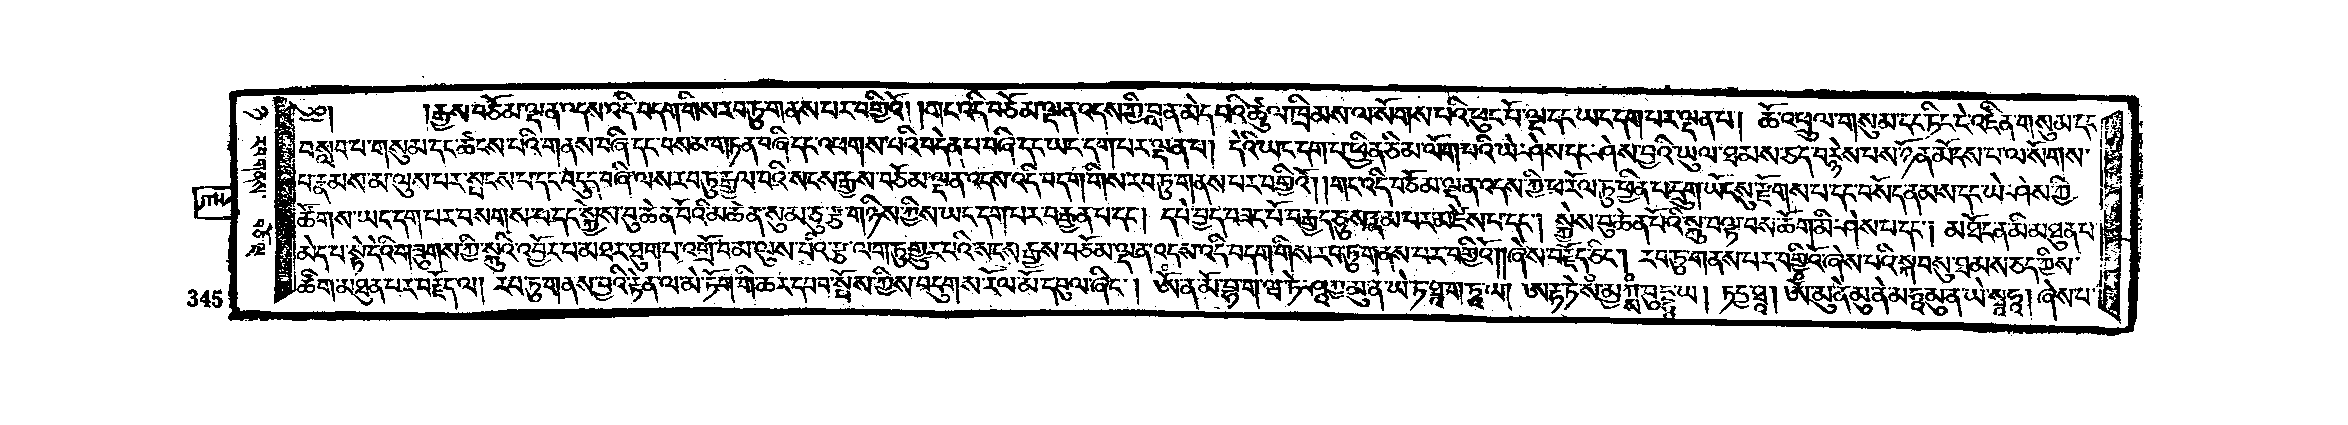༄༅། །རྒྱས་བཅོམ་ལྡན་འདས་འདི་བདག་གིས་རབ་ཏུ་གནས་པར་བགྱིའོ། །གང་འདི་བཅོམ་ལྡན་འདས་ཀྱི་བླ་ན་མེད་པའི་ཚུལ་ཁྲིམས་ལ་སོགས་པའི་ཕུང་པོ་ལྔ་དང་ཡང་དག་པར་ལྡན་པ། ཆོ་འཕྲུལ་གསུམ་དང་ཏིང་ངེ་འཛིན་གསུམ་དང་
བསླབ་པ་གསུམ་དང་ཚངས་པའི་གནས་བཞི་དང་བསམ་གཏན་བཞི་དང་འཕགས་པའི་བདེན་པ་བཞི་དང་ཡང་དག་པར་ལྡན་པ། དེའི་ཡང་དག་པ་ཕྱིན་ཅི་མ་ལོག་པའི་ཡེ་ཤེས་དང་ཤེས་བྱའི་ཡུལ་ཐམས་ཅད་བརྙེས་པས་ཉོན་མོངས་པ་ལ་སོགས་
པ་རྣམས་མ་ལུས་པར་སྤངས་པ་དང་བདུད་བཞི་ལས་རབ་ཏུ་རྒྱལ་བའི་སངས་རྒྱས་བཅོམ་ལྡན་འདས་འདི་བདག་གིས་རབ་ཏུ་གནས་པར་བགྱིའོ། །གང་འདི་བཅོམ་ལྡན་འདས་ཀྱི་ཕ་རོལ་ཏུ་ཕྱིན་པ་དྲུག་ཡོངས་སུ་རྫོགས་པ་དང་བསོད་ནམས་དང་ཡེ་ཤེས་ཀྱི་
ཚོགས་ཡང་དག་པར་བསགས་པ་དང་སྐྱེས་བུ་ཆེན་པོའི་མཆེན་སུམ་ཅུ་རྩ་གཉིས་ཀྱིས་ཡང་དག་པར་བརྒྱན་པ་དང་། དཔེ་བྱད་བཟང་པོ་བརྒྱད་ཅུས་རྣམ་པར་མཛེས་པ་དང་། སྐྱེས་བུ་ཆེན་པོའི་སྐུ་བལྟ་བས་ཆོག་མི་ཤེས་པ་དང་། མཐོང་ན་མི་མཐུན་པ་
མེད་པ་སྟེ་དེའི་གཟུགས་ཀྱི་སྐུའི་འབྱོར་པ་མཐར་ཐུག་པ་འགྲོ་བ་མ་ལུས་པའི་རྩ་ལག་ཏུ་གྱུར་པའི་སངས་རྒྱས་བཅོམ་ལྡན་འདས་འདི་བདག་གིས་རབ་ཏུ་གནས་པར་བགྱིའོ། །ཞེས་བརྗོད་ཅིང་། རབ་ཏུ་གནས་པར་བགྱིའོ་ཞེས་པའི་སྐབས་སུ་ཐམས་ཅད་ཀྱིས་
ཚིག་མཐུན་པར་བརྗོད་ལ། རབ་ཏུ་གནས་བྱའི་རྟེན་ལ་མེ་ཏོག་གི་ཆར་དབབ་སྤོས་ཀྱིས་བདུགས་རོལ་མོ་དབུལ་ཞིང་། ཨོཾ་ན་མོ་བྷ་ག་ཝ་ཏེ་ཤཱཀྱ་མུ་ན་ཡེ་ཏ་ཏཱ་ག་ཏཱ་ཡ། ཨརྷ་ཏེ་སཾ་མྱཀསཾ་བུདྡྷཱ་ཡ། ཏདྱ་ཐཱ། ཨོཾ་མུ་ནེ་མུ་ནེ་མཧཱ་མུ་ན་ཡེ་སྭཱཧཱ། ཞེས་པ་